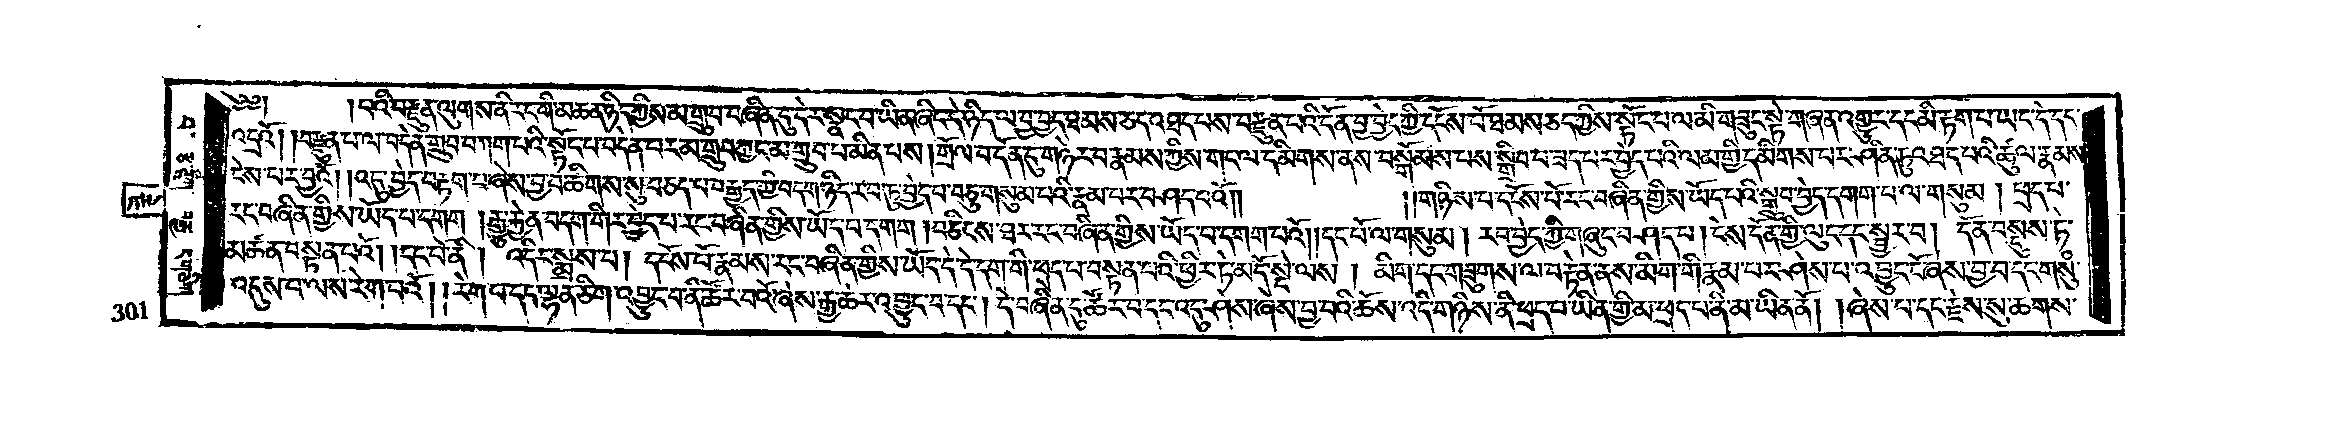༄༅། །པའི་བརྫུན་ལུགས་ནི་རང་གི་མཚན་ཉིད་ཀྱིས་མ་གྲུབ་བཞིན་དུ་དེར་སྣང་བ་ཡིན་ཞིང་དེ་ཉིད་ལ་བྱ་བྱེད་ཐམས་ཅད་འཐད་པས་བརྫུན་པའི་དོན་བྱ་བྱེད་ཀྱི་དངོས་པོ་ཐམས་ཅད་ཀྱིས་སྟོང་པ་ལ་མི་གཟུང་སྟེ་གཞན་འགྱུར་དང་མི་རྟག་པ་ཡང་དེ་དང་
འདྲའོ། །བརྫུན་པ་ལ་བདེན་གྲུབ་བཀག་པའི་སྟོང་པ་བདེན་པར་མ་གྲུབ་ཀྱང་མ་གྲུབ་པ་མིན་པས། གྲོལ་བ་དོན་དུ་གཉེར་བ་རྣམས་ཀྱིས་གང་ལ་དམིགས་ནས་བསྒོམས་པས་སྐྲིབ་པ་ཟད་པར་བྱེད་པའི་ལམ་གྱི་དམིགས་པར་ཤིན་ཏུ་འཐད་པའི་ཚུལ་རྣམས་
ངེས་པར་བྱའོ། །འདུ་བྱེད་བརྟག་པ་ཞེས་བྱ་བ་ཚིགས་སུ་བཅད་པ་བརྒྱད་ཀྱི་བདག་ཉིད་རབ་ཏུ་བྱད་པ་བཅུ་གསུམ་པའི་རྣམ་པར་བཤད་པའོ།། །།གཉིས་པ་དངོས་པོ་རང་བཞིན་གྱིས་ཡོད་པའི་སྒྲུབ་བྱེད་དགག་པ་ལ་གསུམ། ཕྲད་པ་
རང་བཞིན་གྱིས་ཡོད་པ་དགག །རྒྱུ་རྐྱེན་བདག་གར་བྱེད་པ་རང་བཞིན་གྱིས་ཡོད་པ་དགག །བཅིངས་ཐར་རང་བཞིན་གྱིས་ཡོད་པ་དགག་པའོ། །དང་པོ་ལ་གསུམ། རབ་བྱེད་ཀྱི་གཞུང་བཤད་པ། ངེས་དོན་གྱི་ལུང་དང་སྦྱར་བ། དོན་བསྡུས་ཏེ་
མཚན་བསྟན་པའོ། །དང་པོ་ནི། འདིར་སྨྲས་པ། དངོས་པོ་རྣམས་རང་བཞིན་གྱིས་ཡོད་དེ་དེ་དག་གི་ཕྲད་པ་བསྟན་པའི་ཕྱིར་ཏེ་མདོ་སྡེ་ལས། མིག་དང་གཟུགས་ལ་བརྟེན་ནས་མིག་གི་རྣམ་པར་ཤེས་པ་འབྱུང་ངོ་ཞེས་བྱ་བ་དང་གསུཾ་
འདུས་པ་ལས་རོག་པའོ། །རེག་པ་དང་ལྷན་ཅིག་འབྱུང་བ་ནི་ཚོར་བའི་ཞེས་རྒྱ་ཆེར་འབྱུང་བ་དང་། དེ་བཞིན་དུ་ཚོར་བ་དང་འདུ་ཤེས་ཞེས་བྱ་བའི་ཆོས་འདི་གཉིས་ནི་ཕྲད་པ་ཡིན་གྱི་མ་ཕྲད་པ་ནི་མ་ཡིན་ནོ། །ཞེས་པ་དང་རྗེས་སུ་ཆགས་